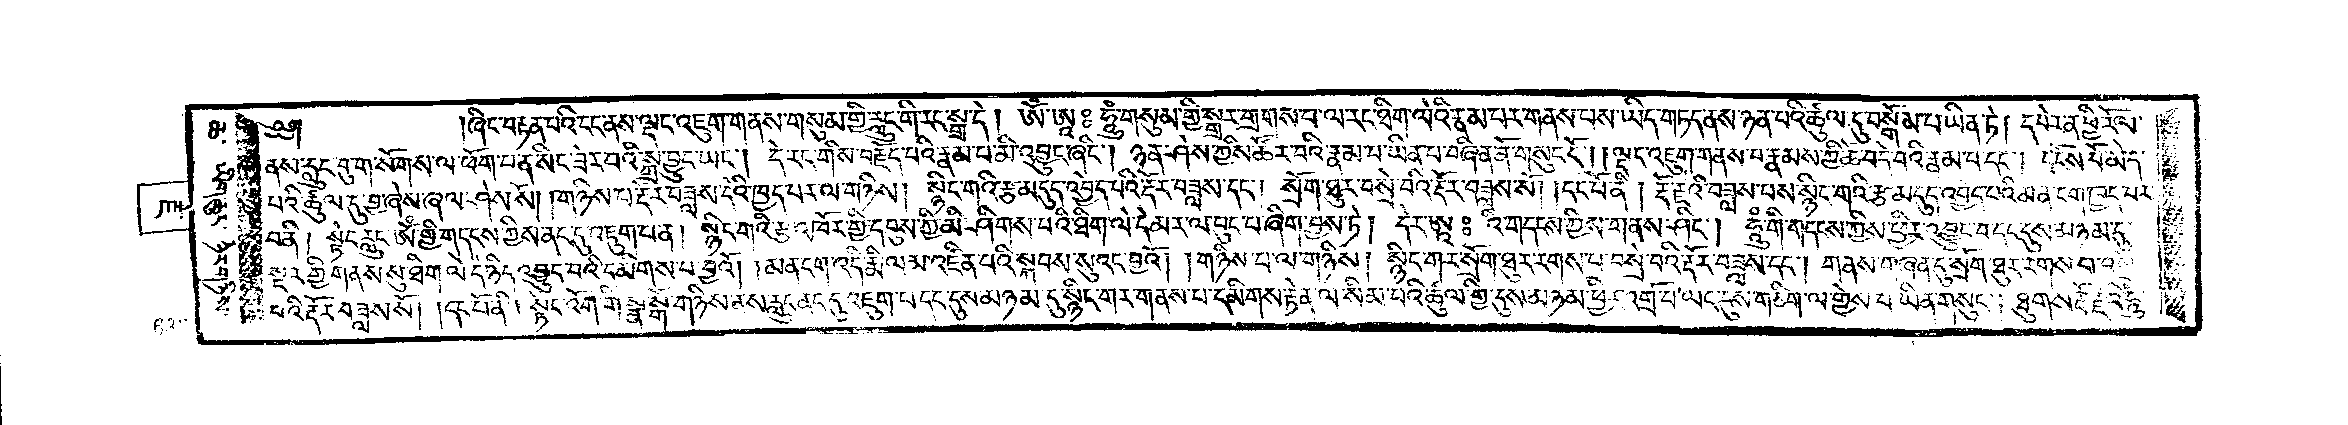༄༅། །ཞིང་བརྟན་པའི་ངང་ནས་ལྡང་འཇུག་གནས་གསུམ་གྱི་རླུང་གི་རང་སྒྲ་དེ། ཨོཾ་ཨཱཿ ཧཱུཾ་གསུམ་གྱི་སྒྲར་གྲགས་པ་ལ་རང་ཐིག་ལེའི་རྣམ་པར་གནས་པས་ཡིད་གཏད་ནས་ཉན་པའི་ཚུལ་དུ་བསྒོམ་པ་ཡིན་ཏེ། དཔེར་ན་ཕྱི་རོལ་
ནས་རླུང་བུ་ག་སོགས་ལ་ཕོག་པ་ན་སིང་ཟེར་བའི་སྒྲ་བྱུང་ཡང་། དེ་རང་གིས་བརྗོད་པའི་རྣམ་པ་མི་འབྱུང་ཞིང་། ཉན་ཤེས་ཀྱིས་ཚོར་བའི་རྣམ་པ་ཡིན་པ་བཞིན་ནོ་གསུང་ངོ། །ལྡང་འཇུག་གནས་པ་རྣམས་ཀྱི་ཚེ་བདེ་བའི་རྣམ་པ་དང་། དངོས་པོ་མེད་
པའི་ཚུལ་དུ་བྱ་ཞེས་ཞལ་ཤེས་སོ། །གཉིས་པ་རྡོར་བཟླས་དེའི་ཁྱད་པར་ལ་གཉིས། སྙིང་གའི་རྩ་མདུད་འབྱེད་པའི་རྡོར་བཟླས་དང་། སྲོག་ཐུར་བསྲེ་བའི་རྡོར་བཟླས་སོ། །དང་པོ་ནི། རྡོ་རྗེའི་བཟླས་པས་སྙིང་གའི་རྩ་མདུད་འབྱེད་པའི་མན་ངག་ཁྱད་པར་
བ་ནི། སྟེང་རླུང་ཨོཾ་གྱི་གདངས་ཀྱིས་ནང་དུ་འཇུག་པ་ན། སྙིང་གའི་རྩ་འཁོར་གྱི་དབུས་ཀྱི་མི་ཤིགས་པའི་ཐིག་ལེ་དེ་མར་ལ་བུང་པ་ཞིག་བྱས་ཏེ། དེར་ཨཱཿ འི་གདངས་ཀྱིས་གནས་ཤིང་། ཧཱུཾ་གི་གདངས་ཀྱིས་ཕྱིར་འབྱུང་བ་དང་དུས་མཉམ་དུ་
སྔར་གྱི་གནས་སུ་ཐིག་ལེ་དེ་ཉིད་འབྱུང་བའི་དམིགས་པ་བྱའོ། །མན་ངག་འདི་རྨི་ལམ་འཛིན་པའི་སྐབས་སུའང་བྱའོ། །གཉིས་པ་ལ་གཉིས། སྙིང་གར་སྲོག་ཐུར་རགས་པ་བསྲེ་བའི་རྡོར་བཟླས་དང་། གནས་གཞན་དུ་སྲོག་ཐུར་རགས་པ་བསྲེ་
བའི་རྡོར་བཟླས་སོ། །དང་པོ་ནི། སྟེང་འོག་གི་སྣ་སྒོ་གཉིས་ནས་རླུང་ནང་དུ་འཇུག་པ་དང་དུས་མཉམ་དུ་སྙིང་གར་གནས་པ་དམིགས་རྟེན་ལ་སིམ་པའི་ཚུལ་གྱི་དུས་མཉམ་ཕྱིར་འགྲོ་བ་ཡང་དུས་གཅིག་ལ་གྱེས་པ་ཡིན་གསུང་། ཐུགས་རྡོ་རྗེའི་ཧཱུཾ་